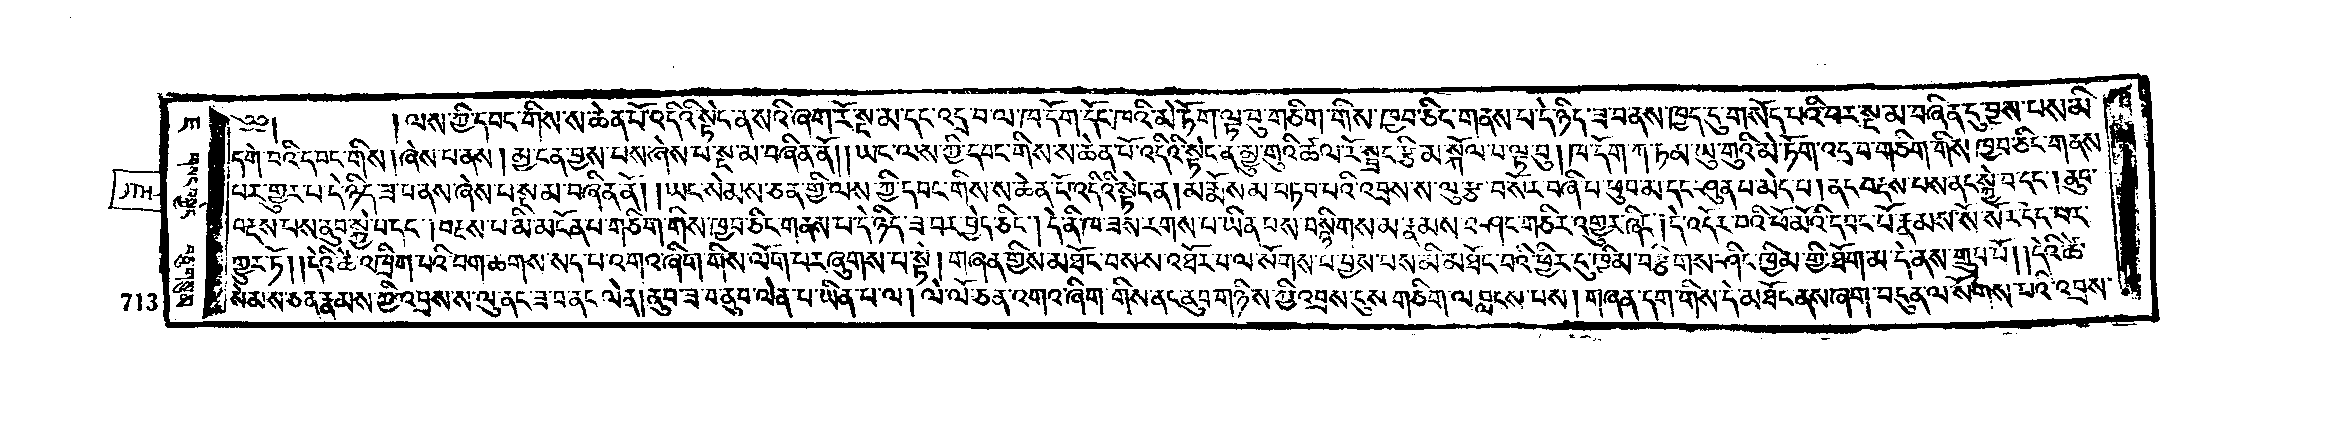༄༅། །ལས་ཀྱི་དབང་གིས་ས་ཆེན་པོ་འདིའི་སྟེང་ན་སའི་ཞག་རོ་སྔ་མ་དང་འདྲ་བ་ལ་ཁ་དོག་དོང་ཁའི་མེ་ཏོག་ལྟ་བུ་གཅིག་གིས་ཁྱབ་ཅིང་གནས་པ་དེ་ཉིད་ཟ་བ་ནས་ཁྱད་དུ་གསོད་པའི་བར་སྔ་མ་བཞིན་དུ་བྱས་པས་མི་
དགེ་བའི་དབང་གིས། ཞེས་པ་ནས། མྱ་ངན་བྱས་པས་ཞེས་པ་སྔ་མ་བཞིན་ནོ། །ཡང་ལས་ཀྱི་དབང་གིས་ས་ཆེན་པོ་འདིའི་སྟེང་ན་མྱུ་གུའི་ཚལ་རོ་སྦྲང་རྩི་མ་སྐོལ་བ་ལྟ་བུ། ཁ་དོག་ཀ་ཏམ་ཡུ་གུའི་མེ་ཏོག་འདྲ་བ་གཅིག་གིས་ཁྱབ་ཅིང་གནས་
པར་གྱུར་པ་དེ་ཉིད་ཟ་བ་ནས་ཞེས་པ་སྔ་མ་བཞིན་ནོ། །ཡང་སེམས་ཅན་གྱི་ལས་ཀྱི་དབང་གིས་ས་ཆེན་པོ་འདིའི་སྟེང་ན། མ་རྨོས་མ་བཏབ་པའི་འབྲས་ས་ལུ་རྩ་བ་སོར་བཞི་པ་ཕུབ་མ་དང་ཤུན་པ་མེད་པ། ནང་བརྔས་པས་ནང་སྐྱེ་བ་དང་། ནུབ་
བརྔས་པས་ནུབ་སྐྱེ་བ་དང་། བརྔས་པ་མི་མངོན་པ་གཅིག་གིས་ཁྱབ་ཅིང་གནས་པ་དེ་ཉིད་ཟ་བར་བྱེད་ཅིང་། དེ་ནི་ཁ་ཟས་རགས་པ་ཡིན་པས་བསྙིགས་མ་རྣམས་བཤད་གཅིར་འགྱུར་ཞིང་། དེ་འདོར་བའི་ཕོ་མོའི་དབང་པོ་རྣམས་སོ་སོར་དོད་པར་
གྱུར་ཏོ། །དེའི་ཚེ་འཁྲིག་པའི་བག་ཆགས་སད་པ་འགའ་ཞིག་གིས་ལོག་པར་ཞུགས་པ་སྟེ། གཞན་གྱིས་མཐོང་བས་ས་འཐོར་བ་ལ་སོགས་པ་བྱས་པས་མི་མཐོང་བའི་ཕྱིར་དུ་ཁྱིམ་བརྩིགས་ཤིང་ཁྱིམ་གྱི་ཐོག་མ་དེ་ནས་གྲུབ་པོ། །དེའི་ཚེ་
སེམས་ཅན་རྣམས་ཀྱི་འབྲས་ས་ལུ་ནང་ཟ་བ་ནང་ལེན། ནུབ་ཟ་བ་ནུབ་ལེན་པ་ཡིན་པ་ལ། ལེ་ལོ་ཅན་འགའ་ཞིག་གིས་ནང་ནུབ་གཉིས་ཀྱི་འབྲས་དུས་གཅིག་ལ་བླངས་པས། གཞན་དག་གིས་དེ་མཐོང་ནས་ཞག་བདུན་ལ་སོགས་པའི་འབྲས་